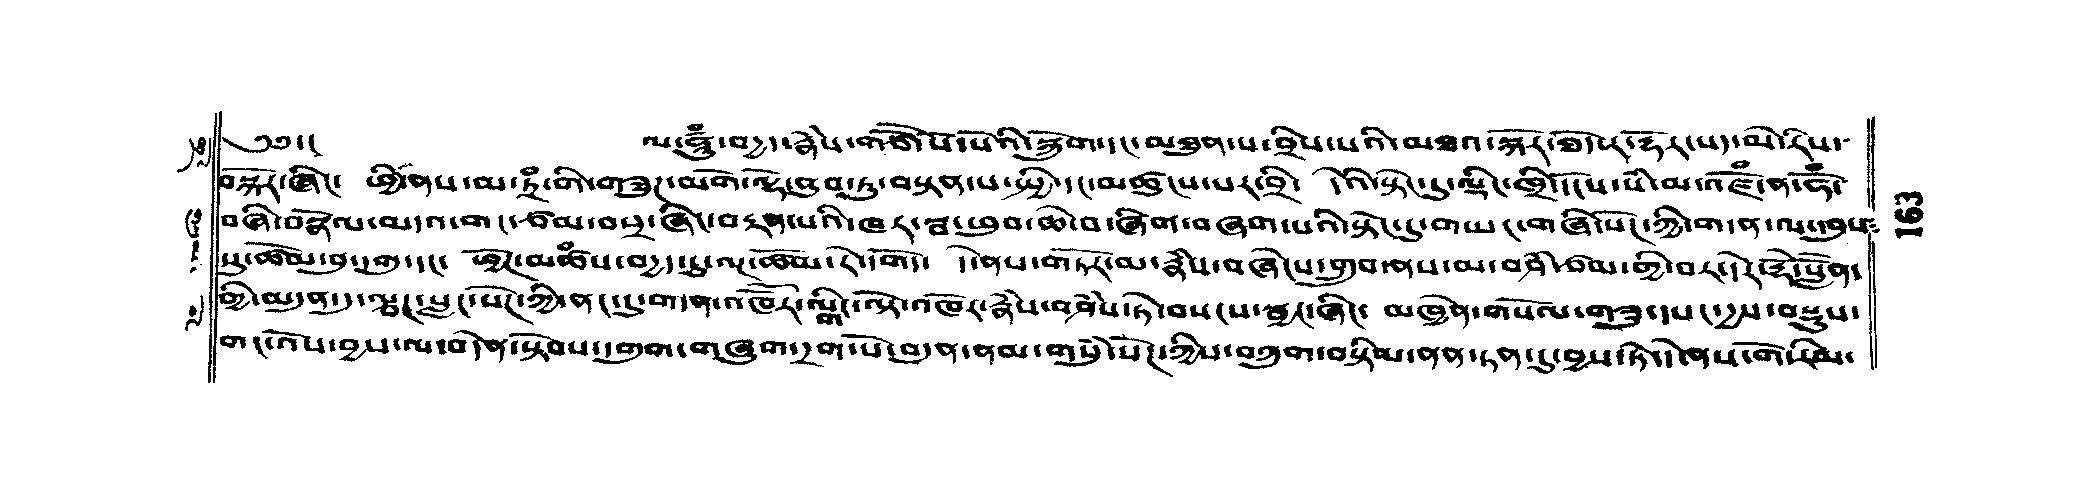ལ་ཧཱུྃ་བརྒྱད་རྣམས་གཙོ་བོ་སོ་སོའི་སྐུ་མདོག་མཐུན་པ་བྲིས་པའི་མཐའ་སྐོར་ཐོད་ར་རྡོར་པད་མེ་རིས་
བསྐོར་ཞིང་། ཕྱི་རོལ་ནས་མ་ཏྲཾ་གི་གཟུགས་མགོ་ལྷོ་ནུབ་ཏུ་བསྟན་པ་སྤྱི་དང་མཚུངས་པར་བྲི། དེའི་སྟེང་དུ་ལྡིང་ཁྲི་དངོས་སམ་མ་འཛོམས་ན་ཧོཾ་
བསྣོལ་མདའ་གང་ཙམ་བསྲ་ཞིང་བརྟན་པའི་ཁར་སྦ་ཕུབ་ཆེ་བ་ཞིག་བཞག་པའི་སྟེང་དུ་གཡང་གཞི་སོགས་ཀྱི་གདན་ལ་དབུས་
སུ་ཚོམ་བུ་དགུ་དང་། ཕྱོགས་མཚམས་བརྒྱད་དུ་ལྔ་ཚོམ་རེ་དགོད། དེ་ནས་གཏོར་མ་རྣམས་བཞེངས་གྲུབ་ནས་མ་བཤམ་ཙམ་གྱི་བར་དེར་རྡོ་རྗེ་སློབ་དཔོན་
གྱི་མདུན་དུ་ལྕགས་སླང་སོགས་ཀྱི་ནང་དུ་གདན་འཁོར་ལོ་ལིངྒ་ལྟོ་འཁོར་རྣམས་བཤམས་ཏེ་བསངས་སྦྱངས་ཤིང་། མཁྱེན་གསོལ་གཟུ་དཔང་རྒྱས་བསྡུས་
གང་འོས་བྱས་ལ་བདཻན་སྟོབས་དགུག་གཞུག་དྲག་པོ་བདུན་ནམ་གསུམ་སོགས་ཀྱིས་བཀུག་བསྟིམ་ནན་ཏན་དུ་བྱས་ནས་གོ་རིམ་